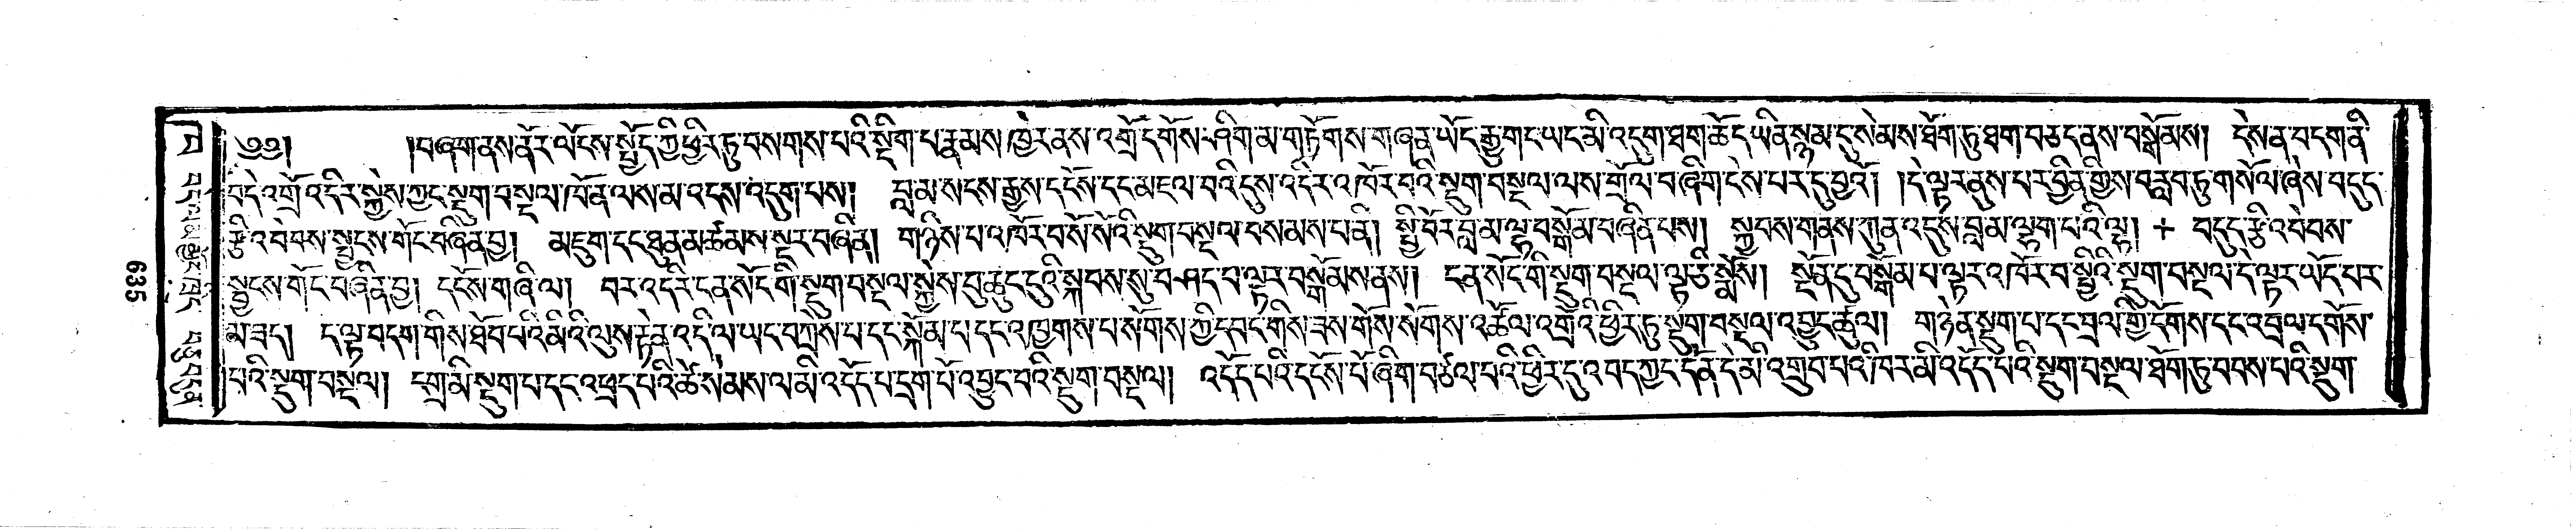༄༅། །བཞག་ནས་ནོར་ལོངས་སྤྱོད་ཀྱི་ཕྱིར་ཏུ་བསགས་པའི་སྡིག་པ་རྣམས་ཁྱེར་ནས་འགྲོ་དགོས་ཤིག་མ་གཏོགས་གཞན་ཡོད་རྒྱུ་གང་ཡང་མི་འདུག་ཐག་ཆོད་ཡིན་སྙམ་དུ་སེམས་ཐོག་ཏུ་ཐག་བཅད་ནས་བསྒོམས། དེས་ན་བདག་ནི་
བདེ་འགྲོ་འདིར་སྐྱེས་ཀྱང་སྡུག་བསྔལ་ཁོ་ན་ལས་མ་འདས་འདུག་པས། བླ་མ་སངས་རྒྱས་དངོས་དང་མཇལ་བའི་དུས་འདིར་འཁོར་བའི་སྡུག་བསྔལ་ལས་གྲོལ་བ་ཞིག་ངེས་པར་དུ་བྱའོ། །དེ་ལྟར་ནུས་པར་བྱིན་གྱིས་བརླབ་ཏུ་གསོལ་ཞེས་བདུད་
རྩི་འབེབས་སྦྱངས་གོང་བཞིན་བྱ། མཇུག་དང་ཐུན་མཚམས་སྔར་བཞིན། གཉིས་པ་འཁོར་བ་སོ་སོའི་སྡུག་བསྔལ་བསམས་པ་ནི། སྤྱི་བོར་བླ་མ་ལྷ་བསྒོམ་བཞིན་པས། སྐྱབས་གནས་ཀུན་འདུས་བླ་མ་ལྷག་པའི་ལྷ། +་བདུད་རྩི་འབེབས་
སྦྱངས་གོང་བཞིན་བྱ། དངོས་གཞི་ལ། བར་འདིར་ངན་སོང་གི་སྡུག་བསྔལ་སྐྱེས་བུ་ཆུང་དུའི་སྐབས་སུ་བཤད་པ་ལྟར་བསྒོམས་ནས། ངན་སོང་གི་སྡུག་བསྔལ་ལྟ་ཅི་སྨོས། སྔོན་དུ་བསྒོམ་པ་ལྟར་འཁོར་བ་སྤྱིའི་སྡུག་བསྔལ་དེ་ལྟར་ཡོད་པར་
མ་ཟད། ད་ལྟ་བདག་གིས་ཐོབ་པའི་མིའི་ལུས་རྟེན་འདི་ལ་ཡང་བཀྲེས་པ་དང་སྐོམ་པ་དང་འཁྱགས་པ་སོགས་ཀྱི་དབང་གིས་ཟས་གོས་སོགས་འཚོལ་འགྲོའི་ཕྱིར་ཏུ་སྡུག་བསྔལ་འབྱུང་ཚུལ། གཉེན་སྡུག་པ་དང་བྲལ་གྱི་དོགས་དང་འབྲལ་དགོས་
བའི་སྡུག་བསྔལ། དགྲ་མི་སྡུག་བ་དང་འཕྲད་པའི་ཚེ་སེམས་ལ་མི་འདོད་པ་དྲག་པོ་འབྱུང་བའི་སྡུག་བསྔལ། འདོད་པའི་དངོས་པོ་ཞིག་བཙལ་བའི་ཕྱིར་དུ་འབད་ཀྱང་དོན་དེ་མི་འགྲུབ་པའི་ཁར་མི་འདོད་པའི་སྡུག་བསྔལ་ཐོག་ཏུ་བབས་པའི་སྡུག་